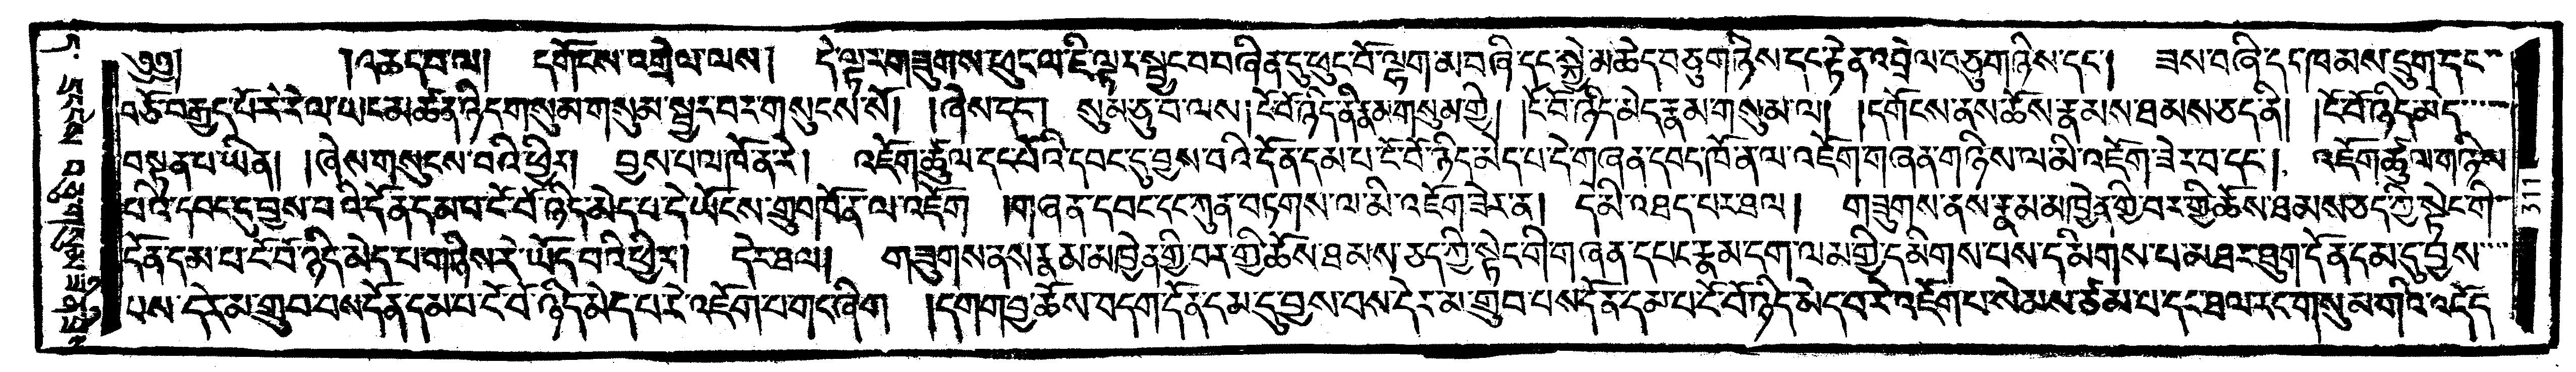༄༅། །འཆད་པ་ལ། དགོངས་འགྲེལ་ལས། དེ་ལྟར་གཟུགས་ཕུང་ལ་ཇི་ལྟར་སྦྱང་བ་བཞིན་དུ་ཕུང་པོ་ལྷག་མ་བཞི་དང་སྐྱེ་མཆེད་བཅུ་གཉིས་དང་རྟེན་འབྲེལ་བཅུ་གཉིས་དང་། ཟས་བཞི་དང་ཁམས་དྲུག་དང་
བཅོ་བརྒྱད་པོ་རེ་རེ་ལ་ཡང་མཚན་ཉིད་གསུམ་གསུམ་སྦྱར་བར་གསུངས་སོ། །ཞེས་དང་། སུམ་ཅུ་པ་ལས། ངོ་བོ་ཉིད་ནི་རྣམ་གསུམ་གྱི། །ངོ་བོ་ཉིད་མེད་རྣམ་གསུམ་ལ། །དགོངས་ནས་ཆོས་རྣམས་ཐམས་ཅད་ནི། །ངོ་བོ་ཉིད་མེད་
བསྟན་པ་ཡིན། །ཞེས་གསུངས་པའི་ཕྱིར། བྱས་པ་ལ་ཁོ་ན་རེ། འཇོག་ཚུལ་དང་པོའི་དབང་དུ་བྱས་པའི་དོན་དམ་པ་ངོ་བོ་ཉིད་མེད་པ་དེ་གཞན་དབང་ཁོ་ན་ལ་འཇོག་གཞན་གཉིས་ལ་མི་འཇོག་ཟེར་བ་དང་། འཇོག་ཚུལ་གཉིས་
པའི་དབང་དུ་བྱས་པའི་དོན་དམ་པ་ངོ་བོ་ཉིད་མེད་པ་དེ་ཡོངས་གྲུབ་ཁོ་ན་ལ་འཇོག །གཞན་དབང་དང་ཀུན་བཏགས་ལ་མི་འཇོག་ཟེར་ན། དེ་མི་འཐད་པར་ཐལ། གཟུགས་ནས་རྣམ་མཁྱེན་གྱི་བར་གྱི་ཆོས་ཐམས་ཅད་ཀྱི་སྟེང་གི་
དོན་དམ་པ་ངོ་བོ་ཉིད་མེད་པ་གཉིས་རེ་ཡོད་པའི་ཕྱིར། དེར་ཐལ། གཟུགས་ནས་རྣམ་མཁྱེན་གྱི་བར་གྱི་ཆོས་ཐམས་ཅད་ཀྱི་སྟེང་གི་གཞན་དབང་རྣམ་དག་ལམ་གྱི་དམིགས་པས་དམིགས་པ་མཐར་ཐུག་དོན་དམ་དུ་བྱས་
པས་དེར་མ་གྲུབ་པས་དོན་དམ་པ་ངོ་བོ་ཉིད་མེད་པར་རེ་འཇོག་པ་གང་ཞིག །དགག་བྱ་ཆོས་བདག་དོན་དམ་དུ་བྱས་པས་དེར་མ་གྲུབ་པས་དོན་དམ་པ་ངོ་བོ་ཉིད་མེད་པ་རེ་འཇོག་པ་སེམས་ཙམ་པ་དང་ཐལ་རང་གསུམ་གའི་འདོད་